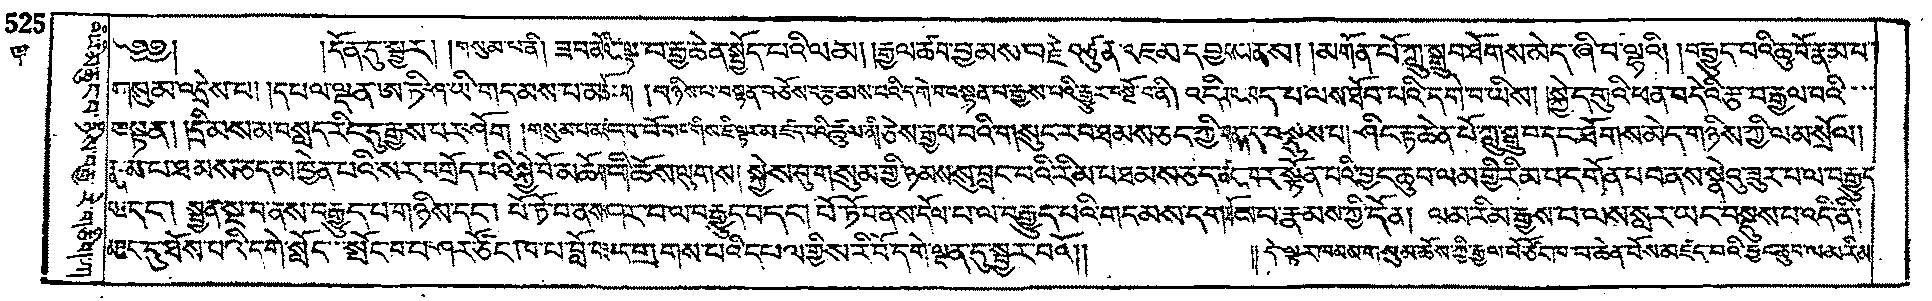༄༅། །དོན་དུ་སྦྱར། །གསུམ་པ་ནི།  ཟབ་མོའི་ལྟ་བ་རྒྱ་ཆེན་སྤྱོད་པའི་ལམ། །རྒྱལ་ཚབ་བྱམས་བརྗེ་བཙུན་འཇམ་དབྱངས་ནས། །མགོན་པོ་ཀླུ་སྒྲུབ་ཐོགས་མེད་ཞི་བ་ལྷའི། །བརྒྱུད་པའི་ཆུ་བོ་རྣམ་པ་
གསུམ་འདྲེས་པ། །དཔལ་ལྡན་ཨ་ཏི་ཤ་ཡི་གདམས་པ་མཆོག་།གཉིས་པ་བསྟན་བཅོས་བརྩམས་པའི་དགེ་བ་བསྟན་པ་རྒྱས་པའི་རྒྱུར་བསྔོ་བ་ནི།  འདིར་འབད་པ་ལས་ཐོབ་པའི་དགེ་བ་ཡིས། །སྐྱེ་དགུའི་ཕན་བདེའི་རྩ་བ་རྒྱལ་བའི་
བསྟན། །དྲི་མས་མ་བསླད་རིང་དུ་རྒྱས་པར་ཤོག་།གསུམ་པ་མཛད་པ་པོ་གང་གིས་ཇི་ལྟར་མཛད་པའི་ཚུལ་ནི།  ཅེས་རྒྱལ་བའི་གསུང་རབ་ཐམས་ཅད་ཀྱི་གནད་བསྡུས་པ། ཤིང་རྟ་ཆེན་པོ་ཀླུ་སྒྲུབ་དང་ཐོགས་མེད་གཉིས་ཀྱི་ལམ་སྲོལ།
རྣམ་པ་ཐམས་ཅད་མཁྱེན་པའི་སར་བགྲོད་པའི་སྐྱེ་བོ་མཆོག་གི་ཆོས་ལུགས། སྐྱེས་བུ་གསུམ་གྱི་ཉམས་སུ་བླང་བའི་རིམ་པ་ཐམས་ཅད་ཚང་བར་སྟོན་བར་སྟོན་པའི་བྱང་ཆུབ་ལམ་གྱི་རིམ་པ་དགོན་པ་བ་ནས་སྣེའུ་ཟུར་པ་ལ་བརྒྱུད་
པ་དང་། སྤྱན་སྔ་བ་ནས་བརྒྱུད་པ་གཉིས་དང་། པོ་ཏོ་བ་ནས་ཤ་ར་བ་ལ་བརྒྱུད་པ་དང་། པོ་ཏོ་བ་ནས་དོལ་པ་ལ་བརྒྱུད་པའི་གདམས་དག་ཐོས་པ་རྣམས་ཀྱི་དོན། ལམ་རིམ་རྒྱས་པ་ལས་སླར་ཡང་བསྡུས་པ་འདི་ནི།
མང་དུ་ཐོས་པའི་དགེ་སློངྶྤོང་བ་པ་ཤར་ཙོང་ཁ་པ་བློ་བཟང་གྲགས་པའི་དཔལ་གྱིས་རི་བོ་དགེ་ལྡན་དུ་སྦྱར་བའོ།། །།དེ་ལྟར་ཁམས་གསུམ་ཆོས་ཀྱི་རྒྱལ་པོ་ཙོང་ཁ་པ་ཆེན་པོས་མཛད་པའི་བྱང་ཆུབ་ལམ་རིམ་